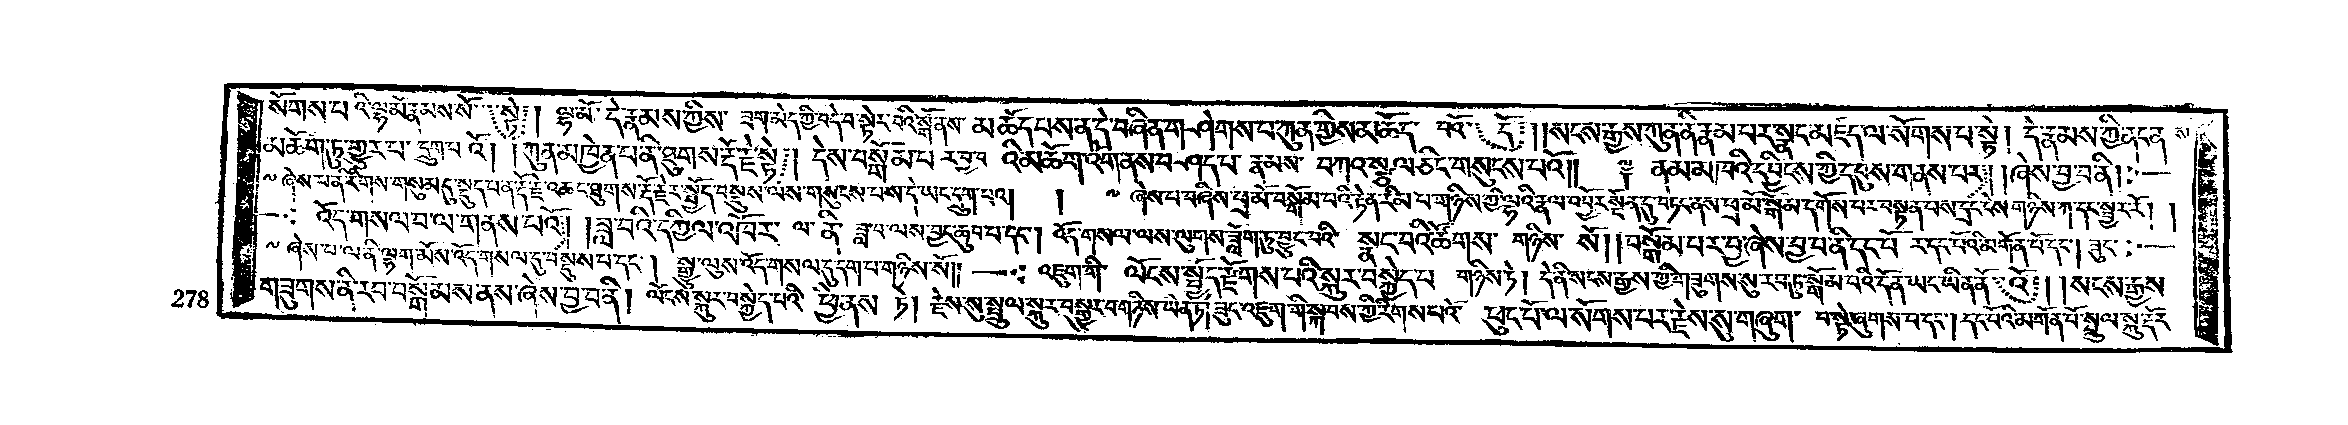སོགས་པའི་ལྷ་མོ་རྣམས་སོ་སྟེ། ལྷ་མོ་དེ་རྣམས་ཀྱིས་ཟག་མེད་ཀྱི་བདེ་བ་སྟེར་བའི་སྒོ་ནས་མཆོད་པས་ན་དེ་བཞིན་གཤེགས་པ་ཀུན་གྱིས་མཆོད་པའོ་དོ། །སངས་རྒྱས་ཀུན་ནི་རྣམ་པར་སྣང་མཛད་ལ་སོགས་པ་སྟེ། དེ་རྣམས་ཀྱི་ནང་ནས་
མཆོག་ཏུ་གྱུར་པ་དྲུག་པའོ། །ཀུན་མཁྱེན་པ་ནི་ཐུགས་རྡོ་རྗེ་སྟེ། དེས་བསྒོམ་པར་བྱ་བའི་མཆོག་འོག་ནས་བཤད་པ་རྣམས་བཀའ་སྩལ་ཅིང་གསུངས་པའོ།། ༈ ནམ་མཁའི་དབྱིངས་ཀྱི་དབུས་གནས་པར། །ཞེས་བྱ་བ་ནི།H.
༧ཞེས་པ་ནི་རིགས་གསུམ་དུ་སྡུད་པ་ན་རྡོ་རྗེ་འཆང་ཐུགས་རྡོ་རྗེར་སྤྱོད་བསྡུས་ལས་གསུངས་པས་དེ་ཡང་དྲུག་པའོ། །༧ཞེས་པ་བཞིས་ཕྲ་མོ་བསྒོམ་པའི་རྟེན་རིམ་པ་གཉིས་ཀྱི་ལྷའི་རྣལ་འབྱོར་སྔོན་དུ་བཏང་ནས་ཕྲ་མོ་སྒོམ་དགོས་པར་བསྟན་པས་དྲང་ངེས་གཉིས་ཀ་དང་སྦྱར་རོ། །
.Hའོད་གསལ་བ་ལ་གནས་པའོ། །ཟླ་བའི་དཀྱིལ་འཁོར་ལ་ནི་ཟླ་བ་ལས་བྱང་ཆུབ་པ་དང་། འོད་གསལ་ལས་ལུགས་ཟློག་ཏུ་བྱུང་བའི་སྣང་བའི་ཚོགས་གཉིས་སོ། །བསྒོམ་པར་བྱ་ཞེས་བྱ་བ་ནི་དང་པོར་དང་པོའི་མགོན་པོ་དང་། ཟུངཿ
༧ཞེས་པ་ལ་ནི་ལྷག་མོས་འོད་གསལ་དུ་བསྡུས་པ་དང་། སྒྱུ་ལུས་འོད་གསལ་དུ་དག་པ་གཉིས་སོ།། .Hའཇུག་གི་ལོངས་སྤྱོད་རྫོགས་པའི་སྐུར་བསྐྱེད་པ་གཉིས་ཏེ། དེ་ནི་སངས་རྒྱས་ཀྱི་གཟུགས་སུ་རབ་ཏུ་སྒོམ་པའི་དོན་ཡང་ཡིན་ནོ་འོ། །སངས་རྒྱས་
གཟུགས་ནི་རབ་བསྒོམས་ནས་ཞེས་བྱ་བ་ནི། ལོངས་སྐུར་བསྐྱེད་པའི་ཕྱི་ནས་ཏེ། རྗེས་སུ་སྤྲུལ་སྐུར་བསྒྱུར་བ་གཉིས་ཡིན་ཏེ། ཟུང་འཇུག་གི་སྐབས་ཀྱི་རིགས་པའོ་ཕུང་པོ་ལ་སོགས་པར་རྗེས་སུ་གཞུག་པ་སྟེ་ཞུགས་པ་དང་། དང་པོའི་མགོན་པོ་སྤྲུལ་སྐུ་རྡོར